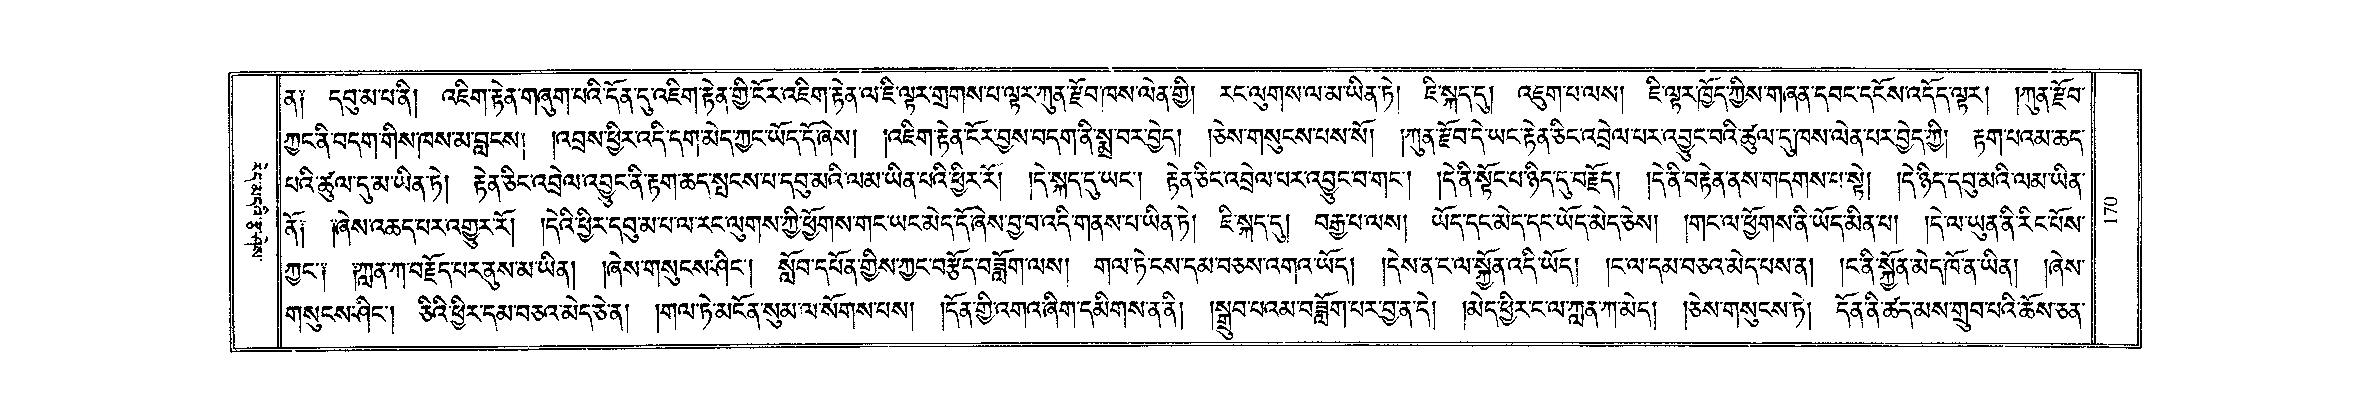ན༑ དབུ་མ་པ་ནི། འཇིག་རྟེན་གཞུག་པའི་དོན་དུ་འཇིག་རྟེན་གྱི་ངོར་འཇིག་རྟེན་ལ་ཇི་ལྟར་གྲགས་པ་ལྟར་ཀུན་རྫོབ་ཁས་ལེན་གྱི། རང་ལུགས་ལ་མ་ཡིན་ཏེ། ཇི་སྐད་དུ། འཇུག་པ་ལས། ཇི་ལྟར་ཁྱོད་ཀྱིས་གཞན་དབང་དངོས་འདོད་ལྟར། །ཀུན་རྫོབ་
ཀྱང་ནི་བདག་གིས་ཁས་མ་བླངས། །འབྲས་ཕྱིར་འདི་དག་མེད་ཀྱང་ཡོད་དོ་ཞེས། །འཇིག་རྟེན་ངོར་བྱས་བདག་ནི་སྨྲ་བར་བྱེད། །ཅེས་གསུངས་པས་སོ། །ཀུན་རྫོབ་དེ་ཡང་རྟེན་ཅིང་འབྲེལ་པར་འབྱུང་བའི་ཚུལ་དུ་ཁས་ལེན་པར་བྱེད་ཀྱི། རྟག་པའམ་ཆད་
པའི་ཚུལ་དུ་མ་ཡིན་ཏེ། རྟེན་ཅིང་འབྲེལ་འབྱུང་ནི་རྟག་ཆད་སྤངས་པ་དབུ་མའི་ལམ་ཡིན་པའི་ཕྱིར་རོ། །དེ་སྐད་དུ་ཡང་། རྟེན་ཅིང་འབྲེལ་པར་འབྱུང་བ་གང་། །དེ་ནི་སྟོང་པ་ཉིད་དུ་བརྗོད། །དེ་ནི་བརྟེན་ནས་གདགས་པ་སྟེ། །དེ་ཉིད་དབུ་མའི་ལམ་ཡིན་
ནོ༑ ༑ཞེས་འཆད་པར་འགྱུར་རོ། །དེའི་ཕྱིར་དབུ་མ་པ་ལ་རང་ལུགས་ཀྱི་ཕྱོགས་གང་ཡང་མེད་དོ་ཞེས་བྱ་བ་འདི་གནས་པ་ཡིན་ཏེ། ཇི་སྐད་དུ། བརྒྱ་པ་ལས། ཡོད་དང་མེད་དང་ཡོད་མེད་ཅེས། །གང་ལ་ཕྱོགས་ནི་ཡོད་མིན་པ། །དེ་ལ་ཡུན་ནི་རིང་པོས་
ཀྱང༑ ༑ཀླན་ཀ་བརྗོད་པར་ནུས་མ་ཡིན། །ཞེས་གསུངས་ཤིང་། སློབ་དཔོན་གྱིས་ཀྱང་བརྩོད་བཟློག་ལས། གལ་ཏེ་ངས་དམ་བཅས་འགའ་ཡོད། །དེས་ན་ང་ལ་སྐྱོན་འདི་ཡོད། །ང་ལ་དམ་བཅའ་མེད་པས་ན། །ང་ནི་སྐྱོན་མེད་ཁོ་ན་ཡིན། །ཞེས་
གསུངས་ཤིང་། ཅིའི་ཕྱིར་དམ་བཅའ་མེད་ཅེ་ན། །གལ་ཏེ་མངོན་སུམ་ལ་སོགས་པས། །དོན་གྱི་འགའ་ཞིག་དམིགས་ན་ནི། །སྒྲུབ་པའམ་བཟློག་པར་བྱ་ན་དེ། །མེད་ཕྱིར་ང་ལ་ཀླན་ཀ་མེད། །ཅེས་གསུངས་ཏེ། དོན་ནི་ཚད་མས་གྲུབ་པའི་ཆོས་ཅན་